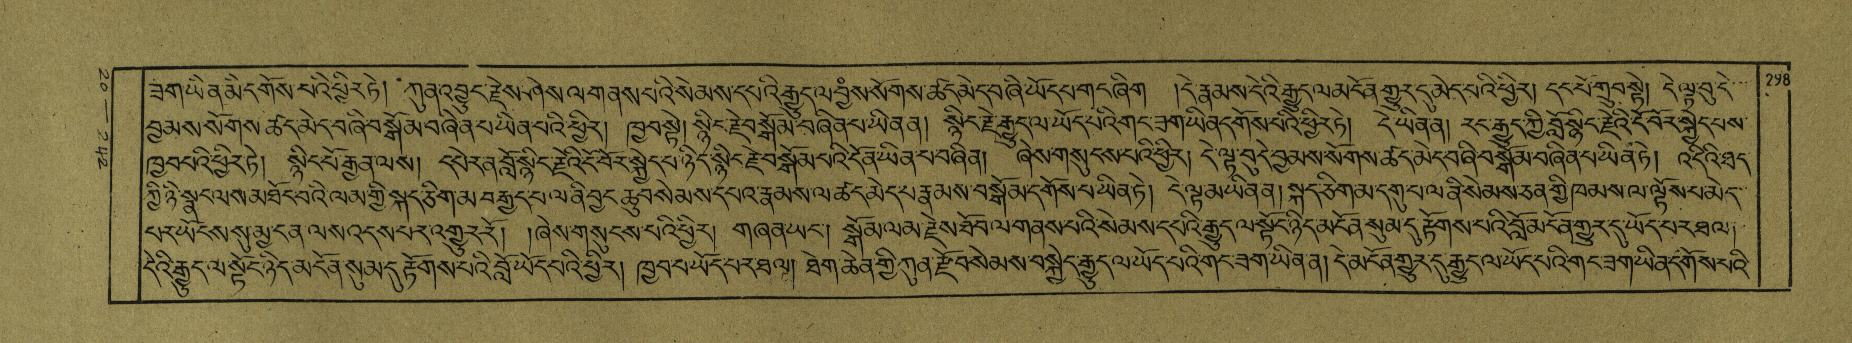ཟག་ཡིན་མི་དགོས་པའི་ཕྱིར་ཏེ། ཀུན་འབྱུང་རྗེས་ཤེས་ལ་གནས་པའི་སེམས་དཔའི་རྒྱུད་ལ་བྱཾས་སོགས་ཚད་མེད་བཞི་ཡོད་པ་གང་ཞིག །དེ་རྣམས་དེའི་རྒྱུད་ལ་མངོན་གྱུར་དུ་མེད་པའི་ཕྱིར། དང་པོ་གྲུབ་སྟེ། དེ་ལྟ་བུ་དེ་
བྱམས་སོགས་ཚད་མེད་བཞི་བསྒོམ་བཞིན་པ་ཡིན་པའི་ཕྱིར། ཁྱབ་སྟེ། སྙིང་རྗེ་བསྒོམ་བཞིན་པ་ཡིན་ན། སྙིང་རྗེ་རྒྱུད་ལ་ཡོད་པའི་གང་ཟག་ཡིན་དགོས་པའི་ཕྱིར་ཏེ། དེ་ཡིན་ན། རང་རྒྱུད་ཀྱི་བློ་སྙིང་རྗེའི་ངོ་བོར་སྐྱེད་པས་
ཁྱབ་པའི་ཕྱིར་ཏེ། སྙིང་པོ་རྒྱན་ལས། དཔེར་ན་བློ་སྙིང་རྗེའི་ངོ་བོར་སྐྱེད་པ་ཉིད་སྙིང་རྗེ་བསྒོམ་པའི་དོན་ཡིན་པ་བཞིན། ཞེས་གསུངས་པའི་ཕྱིར། དེ་ལྟ་བུ་དེ་བྱམས་སོགས་ཚད་མེད་བཞི་བསྒོམ་བཞིན་པ་ཡིན་ཏེ། འདིའི་ཐད་
ཀྱི་ཉི་སྣང་ལས་མཐོང་བའི་ལམ་གྱི་སྐད་ཅིག་མ་བརྒྱད་པ་ལ་ནི་བྱང་ཆུབ་སེམས་དཔའ་རྣམས་ལ་ཚད་མེད་པ་རྣམས་བསྒོམ་དགོས་པ་ཡིན་ཏེ། དེ་ལྟ་མ་ཡིན་ན། སྐད་ཅིག་མ་དགུ་པ་ལ་ནི་སེམས་ཅན་གྱི་ཁམས་ལ་ལྟོས་པ་མེད་
པར་ཡོངས་སུ་མྱ་ངན་ལས་འདས་པར་འགྱུར་རོ། །ཞེས་གསུངས་པའི་ཕྱིར། གཞན་ཡང་། སྒོམ་ལམ་རྗེས་ཐོབ་ལ་གནས་པའི་སེམས་དཔའི་རྒྱུད་ལ་སྟོང་ཉིད་མངོན་སུམ་དུ་རྟོགས་པའི་བློ་མངོན་གྱུར་དུ་ཡོད་པར་ཐལ།
དེའི་རྒྱུད་ལ་སྟོང་ཉིད་མངོན་སུམ་དུ་རྟོགས་པའི་བློ་ཡོད་པའི་ཕྱིར། ཁྱབ་པ་ཡོད་པར་ཐལ། ཐེག་ཆེན་གྱི་ཀུན་རྫོབ་སེམས་བསྐྱེད་རྒྱུད་ལ་ཡོད་པའི་གང་ཟག་ཡིན་ན། དེ་མངོན་གྱུར་དུ་རྒྱུད་ལ་ཡོད་པའི་གང་ཟག་ཡིན་དགོས་པའི་